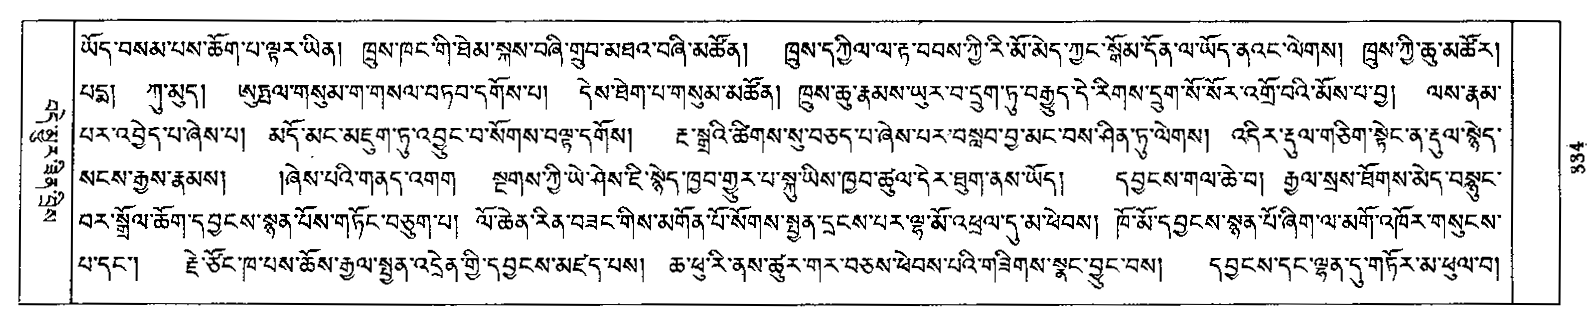ཡོད་བསམ་པས་ཆོག་པ་ལྟར་ཡིན། ཁྲུས་ཁང་གི་ཐེམ་སྐས་བཞི་གྲུབ་མཐའ་བཞི་མཚོན། ཁྲུས་དཀྱིལ་ལ་རྟ་བབས་ཀྱི་རི་མོ་མེད་ཀྱང་སྒོམ་དོན་ལ་ཡོད་ནའང་ལེགས། ཁྲུས་ཀྱི་ཆུ་མཚོར།
པདམ། ཀུ་མུད། ཨུཏྤལ་གསུམ་ག་གསལ་བཏབ་དགོས་པ། དེས་ཐེག་པ་གསུམ་མཚོན། ཁྲུས་ཆུ་རྣམས་ཡུར་བ་དྲུག་ཏུ་བརྒྱུད་དེ་རིགས་དྲུག་སོ་སོར་འགྲོ་བའི་མོས་པ་བྱ། ལས་རྣམ་
པར་འབྱེད་པ་ཞེས་པ། མདོ་མང་མཇུག་ཏུ་འབྱུང་བ་སོགས་བལྟ་དགོས། རྔ་སྒྲའི་ཚིགས་སུ་བཅད་པ་ཞེས་པར་བསླབ་བྱ་མང་བས་ཤིན་ཏུ་ལེགས། འདིར་རྡུལ་གཅིག་སྟེང་ན་རྡུལ་སྙེད་
སངས་རྒྱས་རྣམས། །ཞེས་པའི་གནད་འགག་སྔགས་ཀྱི་ཡེ་ཤེས་ཇི་སྙེད་ཁྱབ་གྱུར་པ་སྐུ་ཡིས་ཁྱབ་ཚུལ་དེར་ཐུག་ནས་ཡོད། དབྱངས་གལ་ཆེ་བ། རྒྱལ་སྲས་ཐོགས་མེད་བསྙུང་
བར་སྒྲོལ་ཆོག་དབྱངས་སྙན་པོས་གཏོང་བཅུག་པ། ལོ་ཆེན་རིན་བཟང་གིས་མགོན་པོ་སོགས་སྤྱན་དྲངས་པར་ལྷ་མོ་འཕྲལ་དུ་མ་ཕེབས། ཁོ་མོ་དབྱངས་སྙན་པོ་ཞིག་ལ་མགོ་འཁོར་གསུངས་
པ་དང་། རྗེ་ཙོང་ཁ་པས་ཆོས་རྒྱལ་སྤྱན་འདྲེན་གྱི་དབྱངས་མཛད་པས། ཆ་ཕུ་རི་ནས་ཚུར་གར་བཅས་ཕེབས་པའི་གཟིགས་སྣང་བྱུང་བས། དབྱངས་དང་ལྷན་དུ་གཏོར་མ་ཕུལ་བ།